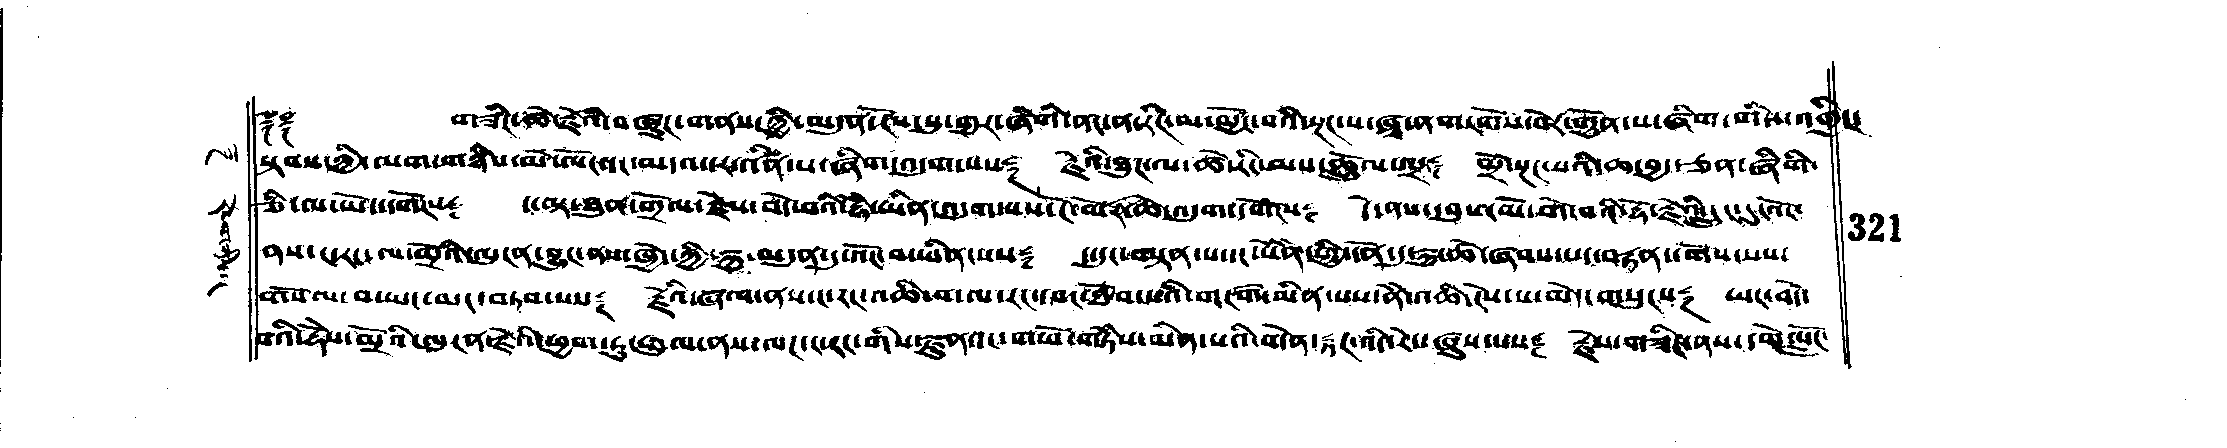གཟིགས་ཚེ་རྗེའི་བཞུགས་གནས་ཀྱི་མདུན་ངོས་སུ་གུར་ཞིག་གི་ནང་ན་རིག་མ་མྱོང་བའི་སྔགས་པ་ཞྭ་ནག་གོས་བེར་གྱོན་པ་ཞིག་གིས་འགྱིང་
སྟབས་ཀྱིས་ལག་གཉིས་མེ་ལོང་དང་མདའ་དར་འཛིན་པ་ཞིག་འདུག་པས། རྗེའི་ཐུགས་ལ་ཚེ་རིང་མས་ཆོ་འཕྲུལ་འདྲ། མཁའ་འགྲོ་སྔགས་པའི་ཆ་བྱད་ཅན་ཞིག་གི་
ཅི་ལ་ཡོད་དགོངས། ད་ལྟ་ཐུན་གྲོལ་རྗེས་བདེ་བའི་རྡོ་རྗེ་ཡིན་འདུག་པས་ངོ་མཚར་ཆེ་འདུག་དགོངས། དེ་ནས་དབུས་མོ་བདེ་བའི་རྡོ་རྗེས་དྲུང་དུ་འོང་
ནས་ང་རང་ལ་མཁའ་འགྲོའི་ལུང་བསྟན་བྱུང་ནས་ཁྱེད་ཀྱི་སྐུ་མདུན་དུ་འོང་བ་ཡིན་པས། ད་དུང་བསྟན་པ་དང་སེམས་ཅན་གྱི་དོན་དུ་སྐུ་ཚེ་ཞབས་པད་བརྟན་དགོས་པས་
གསོལ་བ་ཡང་ཡང་བཏབ་པས། རྗེའི་ཞལ་ནས་ང་རང་འཆི་བ་ལ་རང་དབང་ཐོབ་པའི་གང་ཟག་མིན་པས་ནམ་འཆི་ངེས་པ་མེད་གསུངས། ཡང་བདེ་
བའི་རྡོ་རྗེས་མཁའ་འགྲོའི་ལུང་བསྟན་རྗེའི་ཕྱག་ཏུ་ཕུལ་ནས་ལགས་ང་རང་གིས་རྫུན་དང་གཡོ་གཏམ་མིན་པའི་བདེན་རྟགས་འདི་རེད་ཞུས་པས། རྗེས་གཟིགས་ནས་དགེ་སློང་